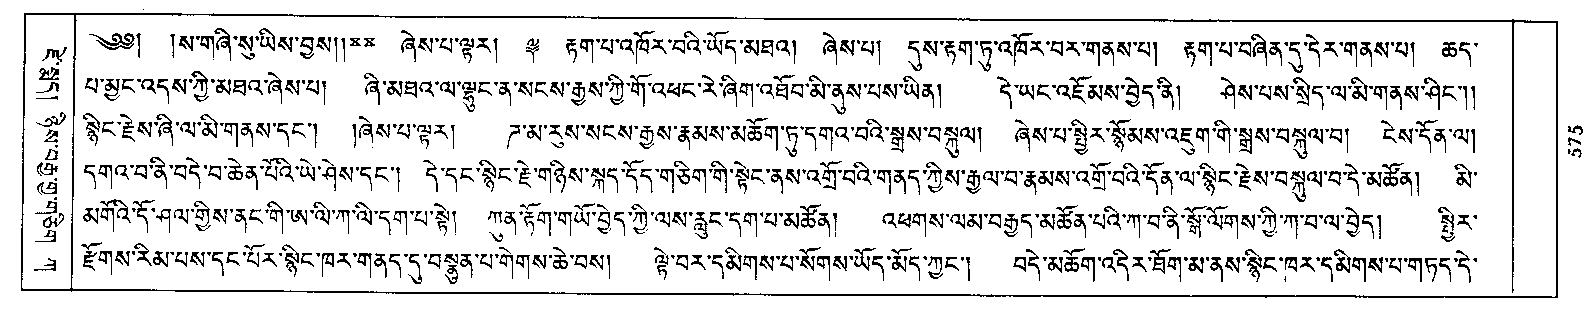༄༅། །ས་གཞི་སུ་ཡིས་བྱས།། ྾་྾་ཞེས་པ་ལྟར། ༈ རྟག་པ་འཁོར་བའི་ཡོད་མཐའ། ཞེས་པ། དུས་རྟག་ཏུ་འཁོར་བར་གནས་པ། རྟག་པ་བཞིན་དུ་དེར་གནས་པ། ཆད་
པ་མྱང་འདས་ཀྱི་མཐའ་ཞེས་པ། ཞི་མཐའ་ལ་ལྷུང་ན་སངས་རྒྱས་ཀྱི་གོ་འཕང་རེ་ཞིག་འཐོབ་མི་ནུས་པས་ཡིན། དེ་ཡང་འཇོམས་བྱེད་ནི། ཤེས་པས་སྲིད་ལ་མི་གནས་ཤིང།།
སྙིང་རྗེས་ཞི་ལ་མི་གནས་དང་། །ཞེས་པ་ལྟར། ཌ་མ་རུས་སངས་རྒྱས་རྣམས་མཆོག་ཏུ་དགའ་བའི་སྒྲས་བསྐུལ། ཞེས་པ་སྤྱིར་སྙོམས་འཇུག་གི་སྒྲས་བསྐུལ་བ། ངེས་དོན་ལ།
དགའ་བ་ནི་བདེ་བ་ཆེན་པོའི་ཡེ་ཤེས་དང་། དེ་དང་སྙིང་རྗེ་གཉིས་སྐད་དོད་གཅིག་གི་སྟེང་ནས་འགྲོ་བའི་གནད་ཀྱིས་རྒྱལ་བ་རྣམས་འགྲོ་བའི་དོན་ལ་སྙིང་རྗེས་བསྐུལ་བ་དེ་མཚོན། མི་
མགོའི་དོ་ཤལ་གྱིས་ནང་གི་ཨ་ལི་ཀ་ལི་དག་པ་སྟེ། ཀུན་རྟོག་གཡོ་བྱེད་ཀྱི་ལས་རླུང་དག་པ་མཚོན། འཕགས་ལམ་བརྒྱད་མཚོན་པའི་ཀ་བ་ནི་སྒོ་ལོགས་ཀྱི་ཀ་བ་ལ་བྱེད། སྤྱིར་
རྫོགས་རིམ་པས་དང་པོར་སྙིང་ཁར་གནད་དུ་བསྣུན་པ་གེགས་ཆེ་བས། ལྟེ་བར་དམིགས་པ་སོགས་ཡོད་མོད་ཀྱང་། བདེ་མཆོག་འདིར་ཐོག་མ་ནས་སྙིང་ཁར་དམིགས་པ་གཏད་དེ་